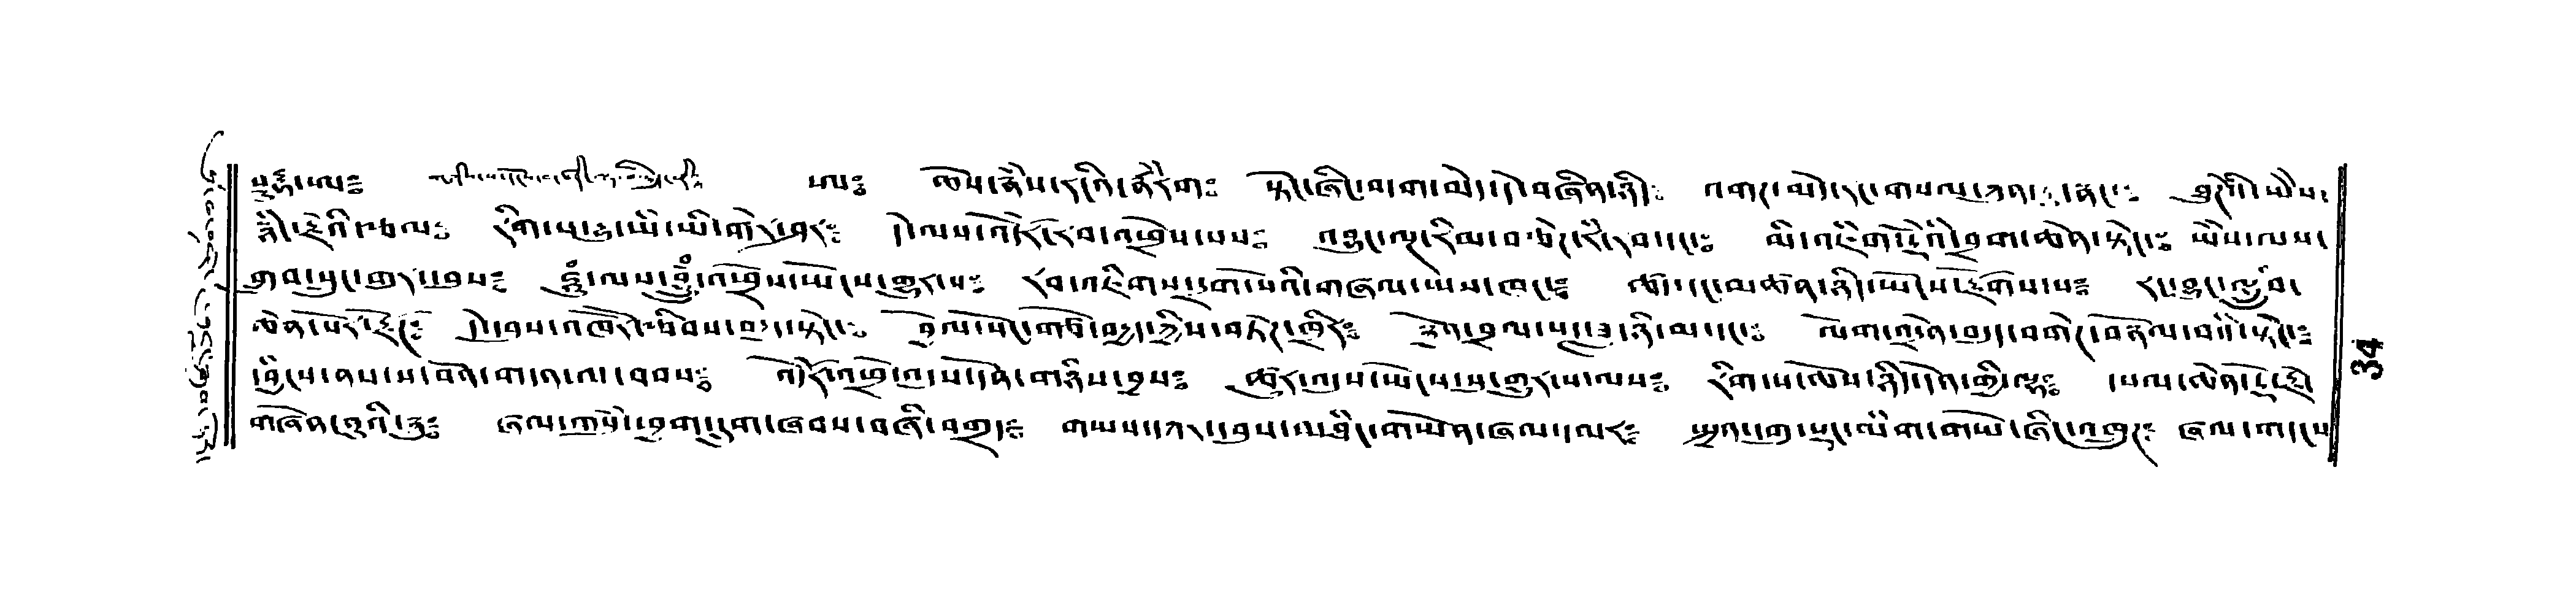ཤུདྡྷ་ཨ༔ གཉིས་པ་དངོས་གཞི་ལྷ་བསྐྱེད་ནི༔ ཨཱཿ ཆོས་རྣམས་རང་བཞིན་རྣམ་པར་དག༔ སྟོང་ཞིང་བདག་མེད་དེ་བཞིན་ཉིད༔ འགགས་མེད་རང་གསལ་ཀུན་ཏུ་སྣང་། ཐུགས་རྗེའི་ཡེ་ཤེས་
སྙིང་རྗེའི་རྩལ༔ རིག་པ་རྒྱུ་ཡི་ཡི་གེར་ཤར༔ དེ་ལས་འོད་ཟེར་རབ་འཕྲོས་པས༔ འབྱུང་ལྔ་རིམ་བརྩེགས་རི་རབ་དང༔ མི་འཇིག་རྡོ་རྗེའི་བྲག་ཆེན་སྟེང༔ ཡེ་ཤེས་ལས་
གྲུབ་སྲུང་གུར་དབུས༔ ཧཱུྃ་ལས་བྷྲཱུུྃ་འཕྲོས་ཡོངས་གྱུར་པ༔ རབ་འཇིགས་དྲག་པོའི་གཞལ་ཡས་ཁང༔ ཚད་དང་མཚན་ཉིད་ཡོངས་རྫོགས་པ༔ རང་བྱུང་ལྷུན་གྲུབ་
ཆེན་པོར་རྫོགས༔ དེ་དབུས་འཁོར་ལོ་རྩིབས་བརྒྱད་སྟེང༔ བྱོལ་སོང་གཙོ་བརྒྱད་ཀྱིས་བཏེགས་ཁྲིར༔ སྐྱོན་བྲལ་པད་ཟླ་ཉི་མ་དང༔ ལོག་འདྲེན་བདུད་བགེགས་བསྣོལ་བའི་སྟེང༔ 
དབྱིངས་ནས་ས་བོན་གདན་ལ་བབས༔ འོད་ཟེར་འཕྲོ་འདུས་དོན་གཉིས་བྱས༔ ཚུར་འདུས་ཡོངས་སུ་གྱུར་པ་ལས༔ རིག་པ་ཆོས་ཉིད་དོན་གྱི་ལྷ༔ དཔལ་ཆེན་རྡོ་རྗེ་
གཞོན་ནུའི་སྐུ༔ ཞལ་གསུམ་ཕྱག་དྲུག་ཞབས་བཞི་བགྲད༔ གཡས་དཀར་དབུས་མཐིང་གཡོན་ཞལ་དམར༔ སྤྱན་དགུ་སྡང་མིག་གཡོ་ཞིང་འཁྲུགས༔ ཞལ་གདངས་